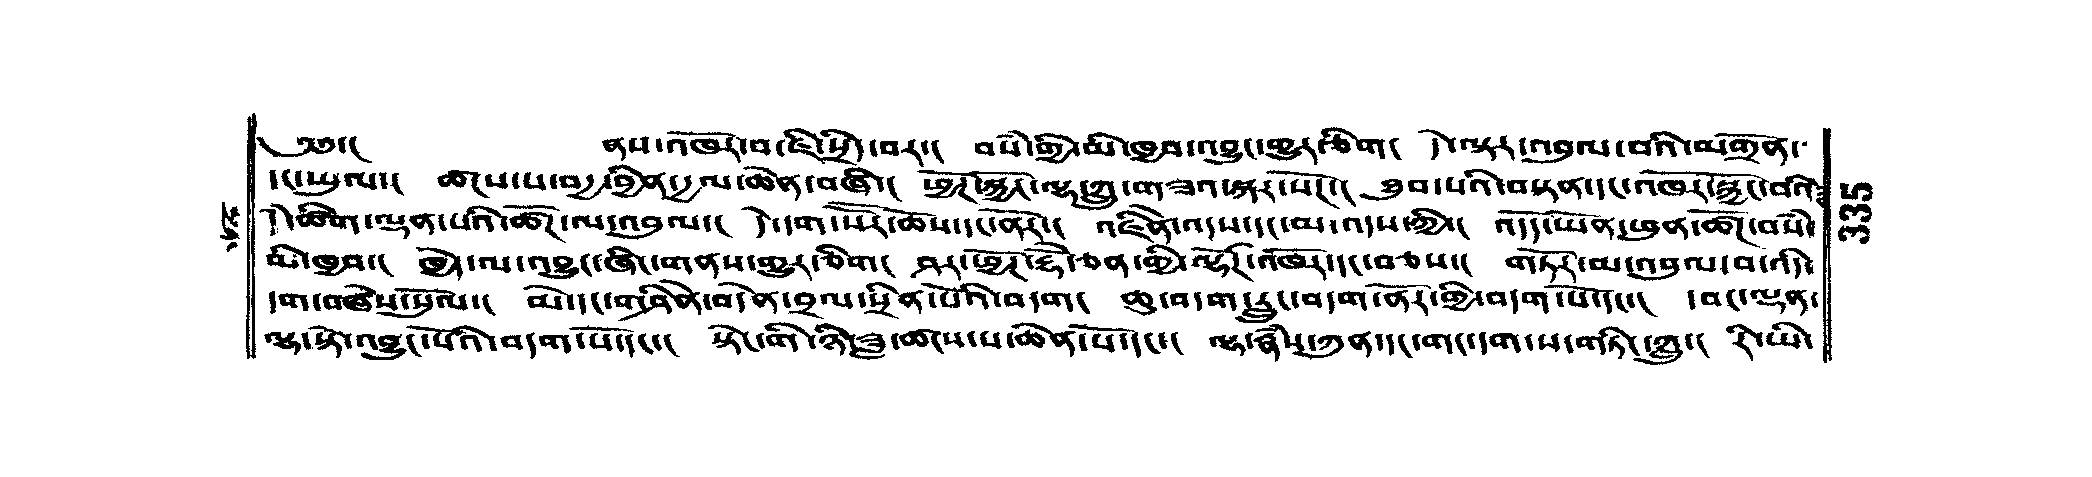ནས་འཁོར་བ་ཇི་སྲིད་བར། །བསམ་གྱི་མི་ཁྱབ་འབྱུང་གྱུར་ཅིག །དེ་ལྟར་འབུལ་བའི་མགྲོན་
དང་ཡུལ། །ཚངས་པ་བརྒྱ་བྱིན་རྒྱལ་ཆེན་བཞི། །ཕྱོགས་སྐྱོང་ལྷ་ཀླུ་གཟའ་སྐར་སོགས། །ཐུབ་པའི་བསྟན་དང་འཁོར་སྐྱོང་བའི། །
དམ་ཚིག་ལྡན་པའི་ཚོགས་ལ་འབུལ། །དེ་དག་སོ་སོར་ཆོས་དང་ནོར། །འཇིག་རྟེན་འདས་དང་མ་འདས་ཀྱི། །འདོད་ཡོན་ཕུན་ཚོགས་བསམ་
མི་ཁྱབ། །ཁྱེད་ལ་འབྱུང་ཞིང་གནས་གྱུར་ཅིག།ཤར་ཕྱོགས་རྡོ་རྗེ་ཅན་གྱི་ལྷ་ཚོགས་འཁོར་དང་བཅས། །གཏོར་མ་འབུལ་བ་འདི་
དག་བཞེས་སུ་གསོལ། །མེ་དང་གཤིན་རྗེ་བདེན་བྲལ་སྲིན་པོའི་བདག །ཆུ་བདག་རླུང་བདག་ནོར་གྱི་བདག་པོ་དང་། །དབང་ལྡན་
ལྷ་སྟེ་འབྱུང་པོའི་བདག་པོ་དང་། །སྟེང་གི་ཉི་ཟླ་ཚངས་པ་ཆེན་པོ་དང་། །ལྷ་རྣམས་ཀུན་དང་གང་དག་ས་སྟེང་ཀླུ། །རི་ཡི་